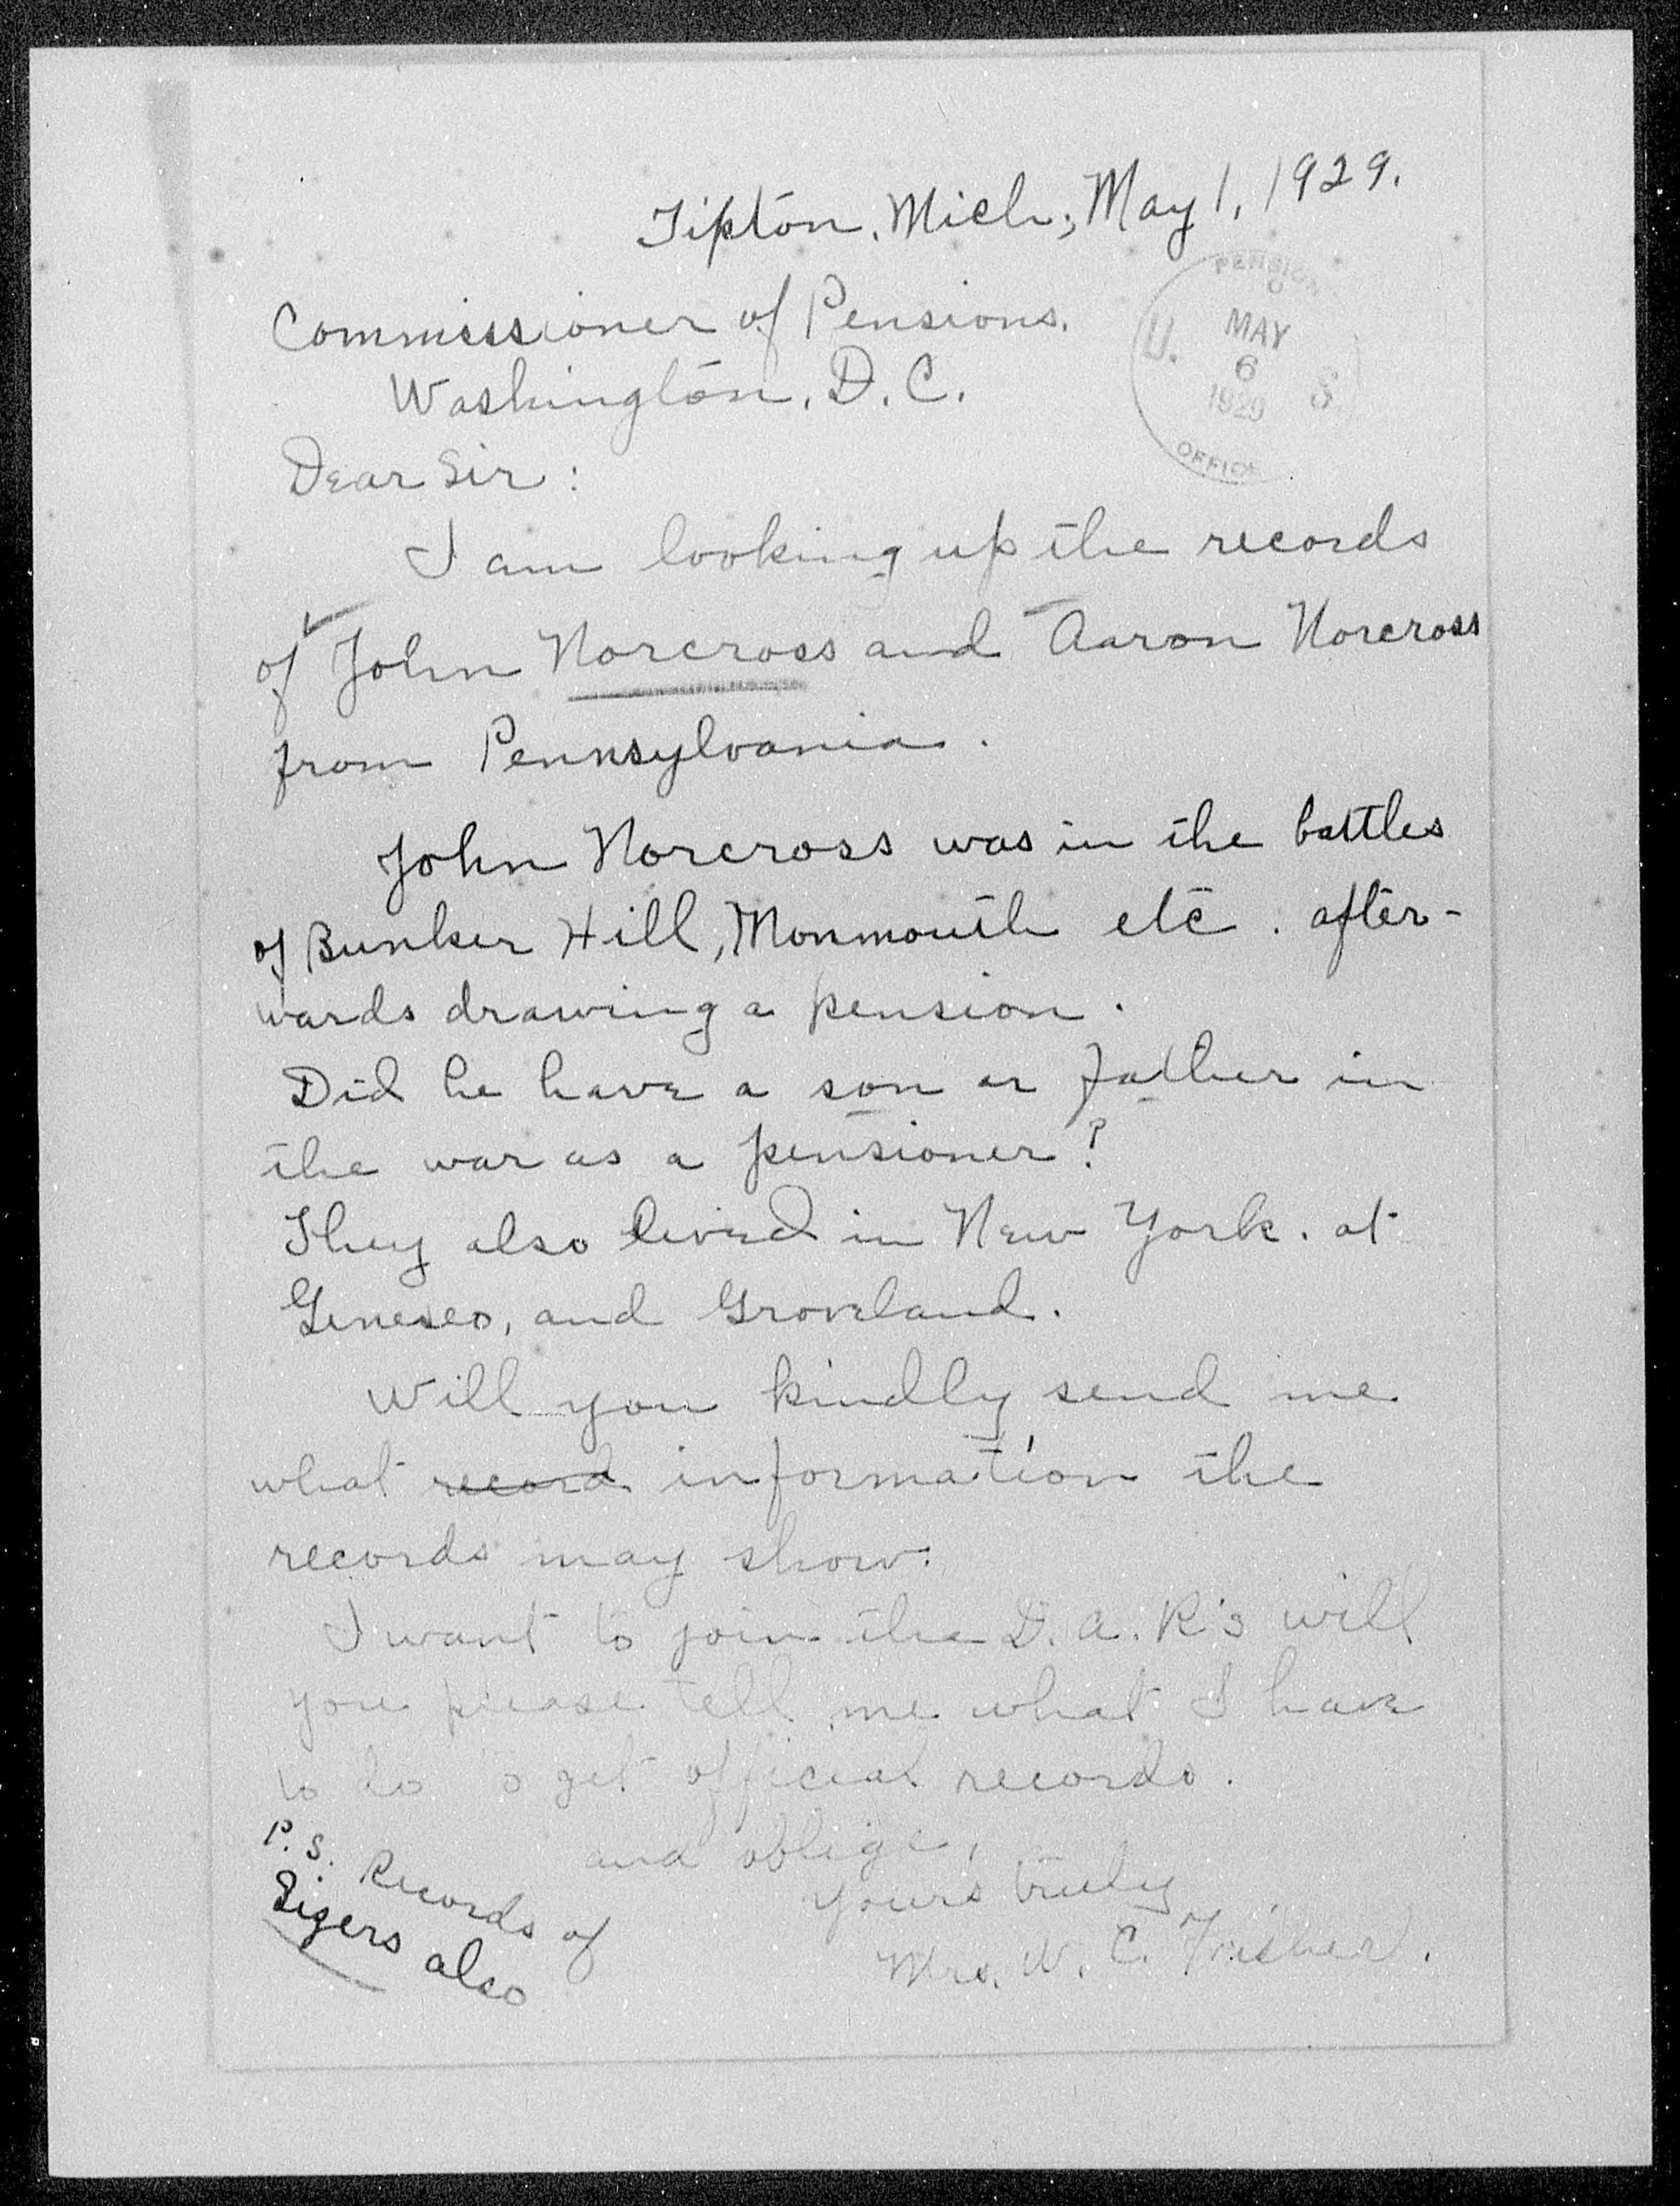Tipton, Mich., May 1, 1929

Commissioner of Pensions
Washington, D.C.

Dear Sir:
I am looking up the records of John Norcross and Aaron Norcross from Pennsylvania.

John Norcross was in the battles of Bunker Hill, Monmouth etc. afterwards drawing a pension.
Did he have a son or father in the war as a pensioner?
They also lived in New York at Geneseo and Groveland.
Will you kindly send me what records information the records may show. 
I want to join the D.A.R.'s will you please tell me what I have to do to get official records.
            and oblige.
      Yours Truly
Mrs. W.C. Fisher
P.S. Records of signers also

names: John Norcross; Aaron Norcross; W C Fisher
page: 13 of 23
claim: survivor's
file: S. 27257, for John Norcross, Pennsylvania